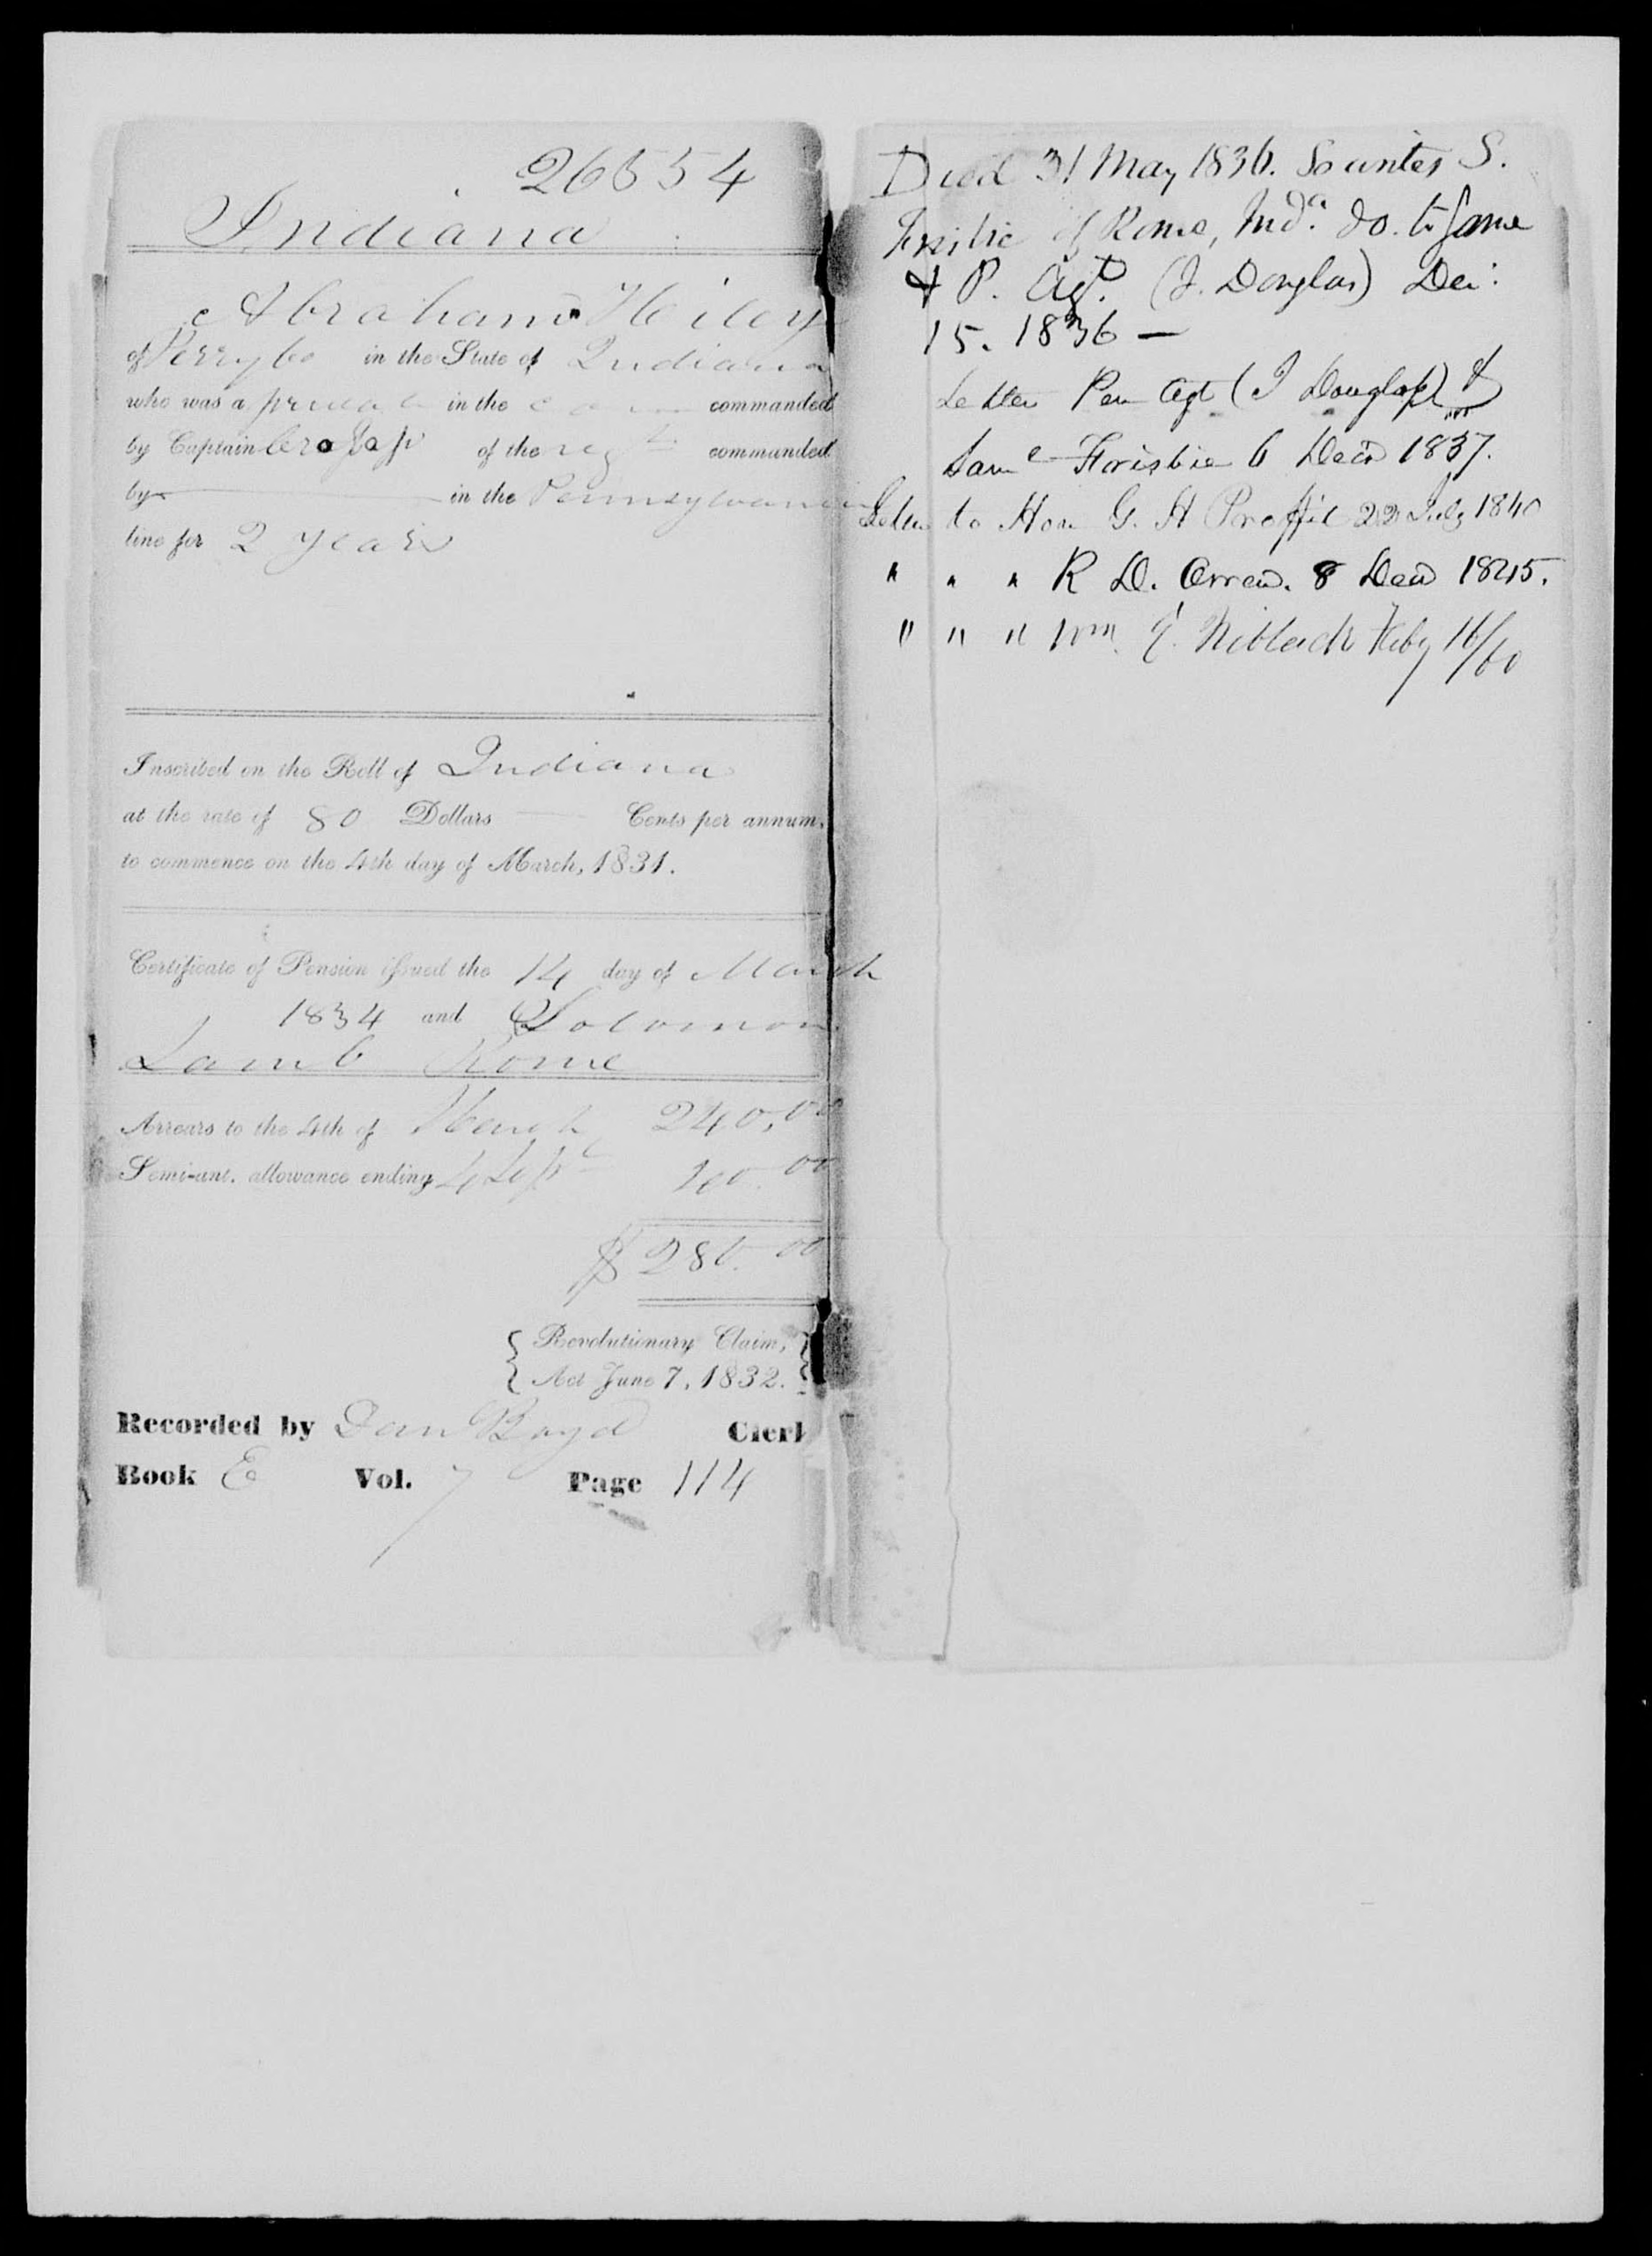[Left hand side of page]
26554
Indiana
Abraham Hiley of Perry Co in the state of Indiana who was a private in the company commanded by Captain Crossop of the regt commanded by [blank] in the Pennsylvania line for 2 years

Inscribed on the roll of Indiana at the rate of 80 dollars [blank] cents per annum, to commence on the 4th day of March, 1831.

Certificate of Pension issued the 14 day of March 1834 and Solomon Lamb Rome.
Arrears to the 4th of March 240.00
Semi-ant allowance ending 4 Sept 40.00
$280.00
{Revolutionary Claim, Act June 7, 1832}
Recorded by Danl Boyd clerk
Book E Vol. 7 Page 114

[Right hand side of page]
Died 31 May 1836 So antes S. [illegible]
[illegible] of Romes, Ind. do to [illegible] & P. Asst. (J. Douglas) Dec : 15, 1836
Letter per asst (J Douglas) and Saml frisbie 6 Dec 1837.
Letter to Hon. G. H. Proffit 22 July 1840
"  "  "  R D. Orren 8 Dec 1845.
"  "  " Wm E Niblener Hibly [illegible]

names: Saml Frisbie, J Douglass, G H Proffit, Abraham Hiley, E Niblack, Crossop, J Douglas, Danl Boyd, R D Owen, Solomon Lamb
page: 2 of 18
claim: survivor's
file: S. 31744, Abraham Hiley, Penn.